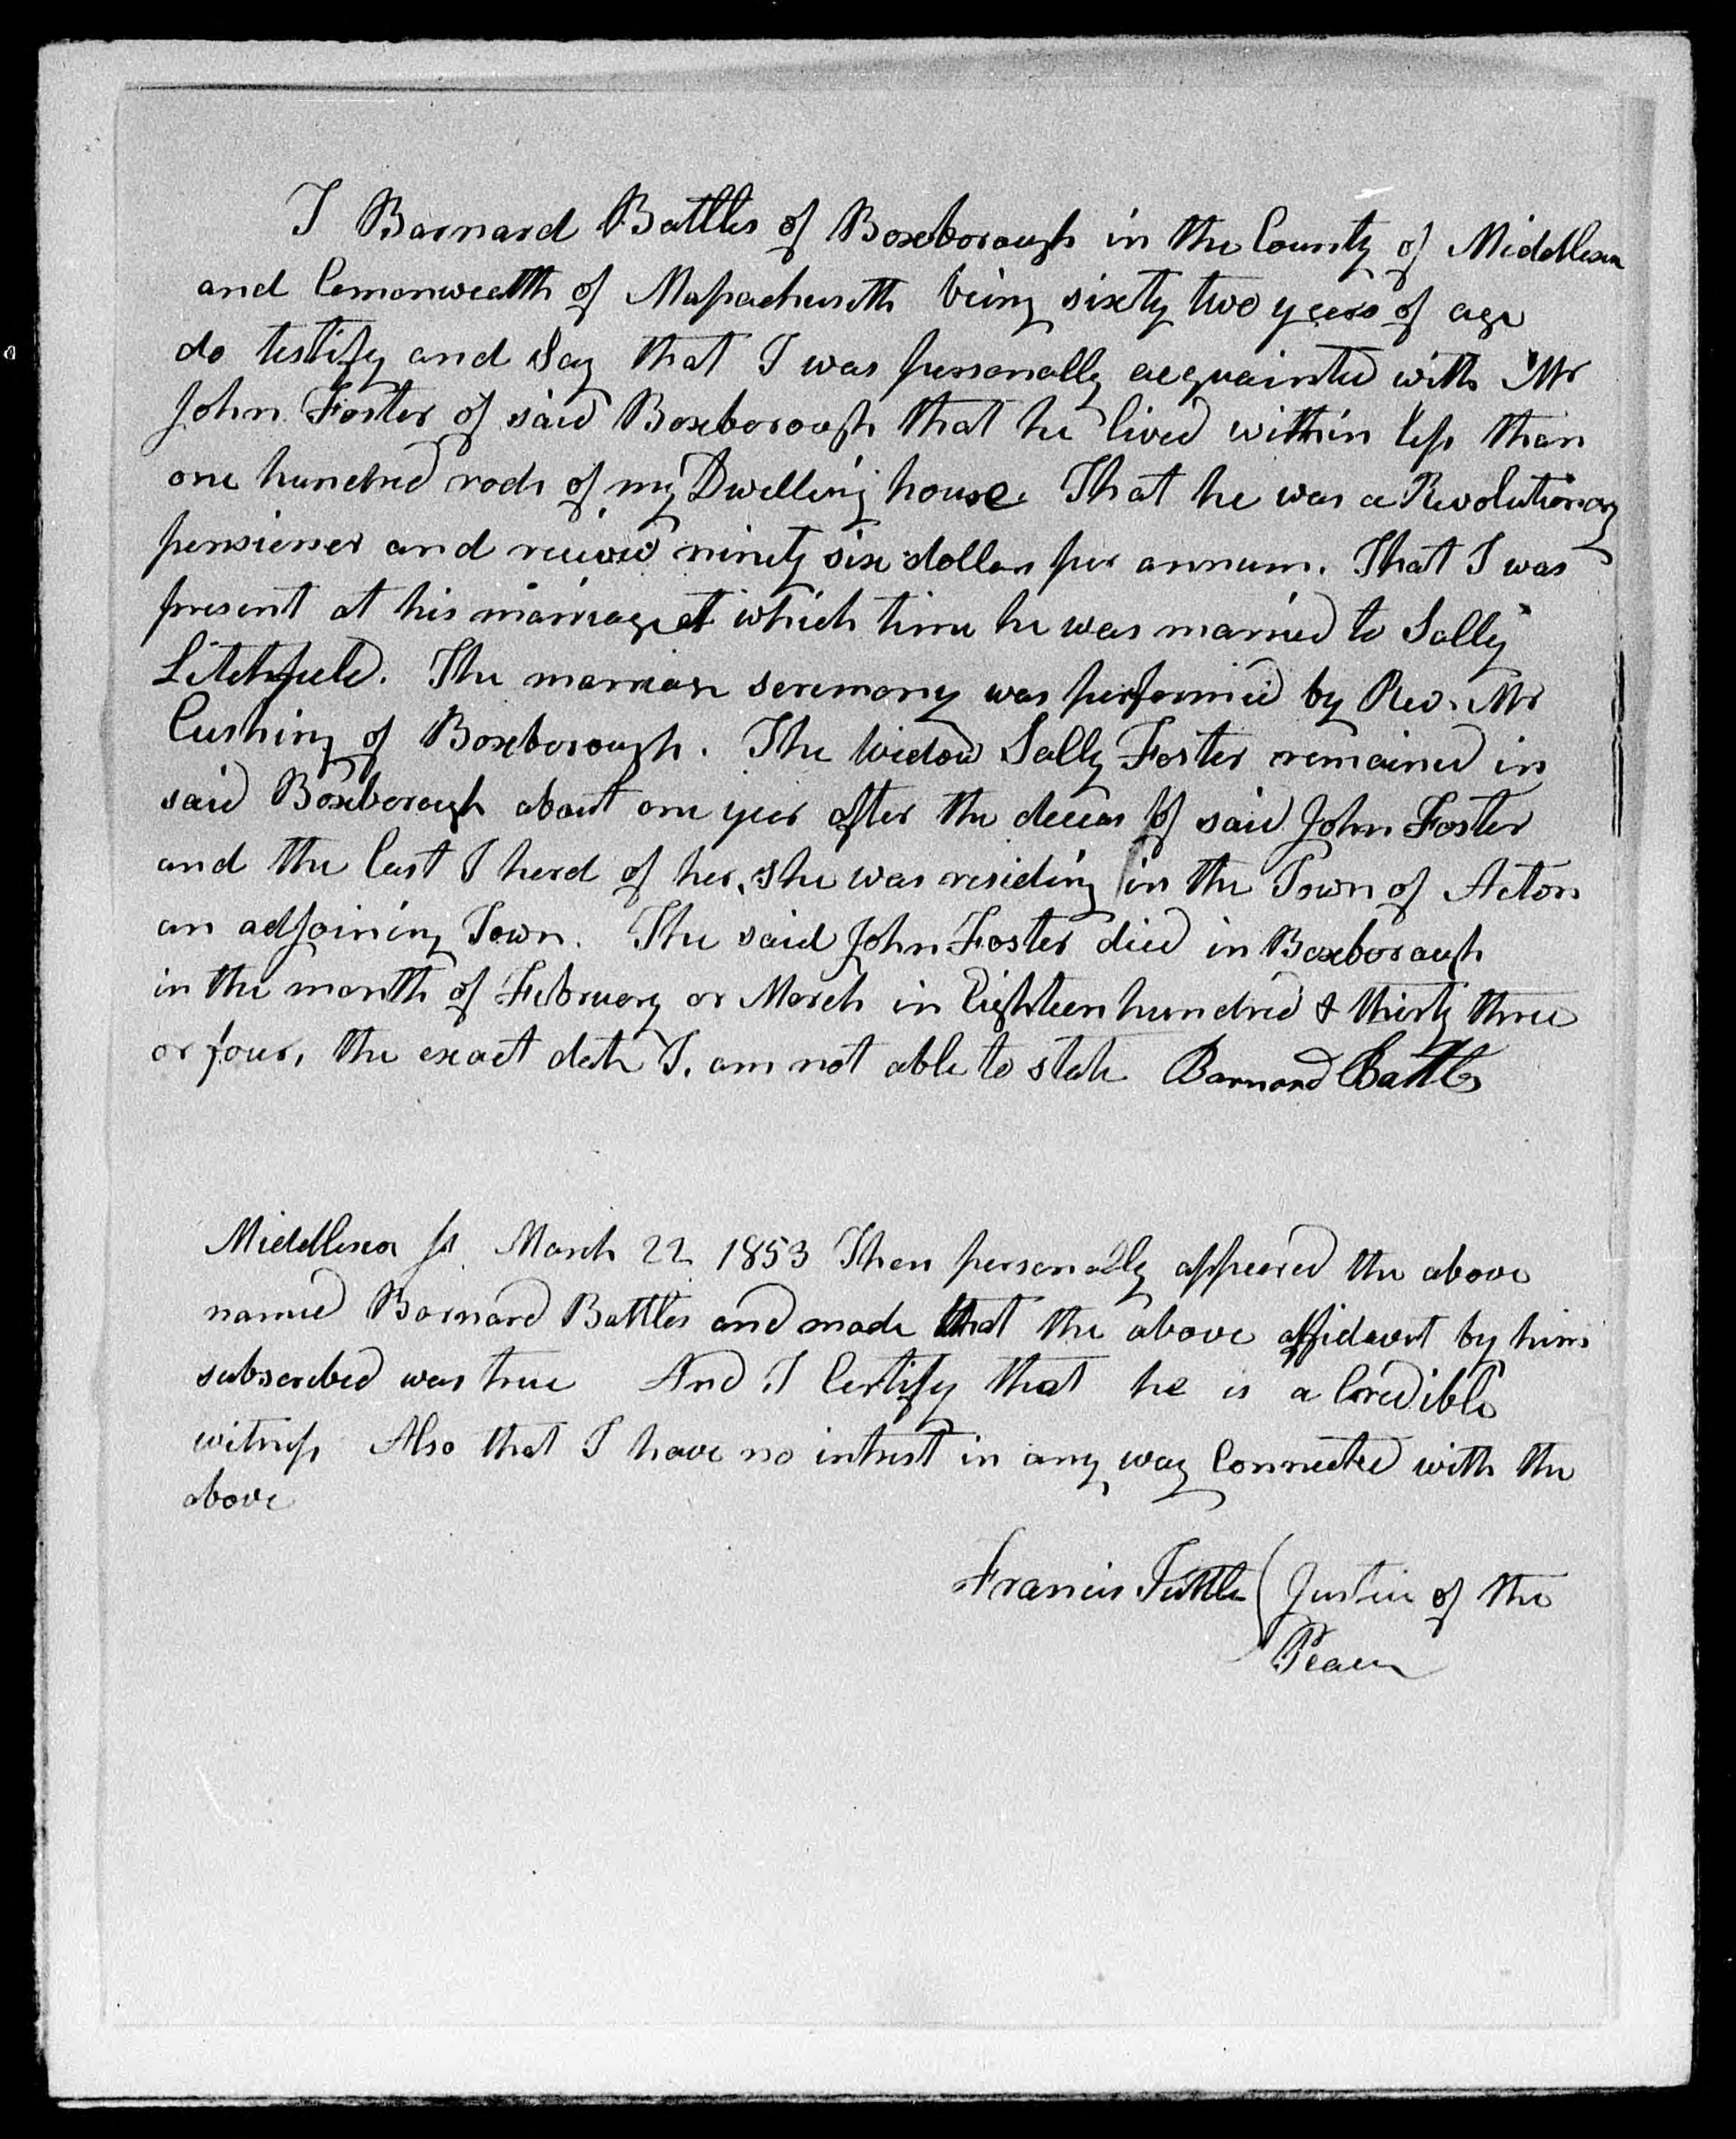I Barnard Battles of Boxborough in the County of Middlesex and Comonwealth [Commonwealth] of Massachusetts being sixty two years of age do testify and say that I was personally acquainted with Mr John Foster of said Boxborough that he lived within less than one hundred rods of my dwelling house.  That he was a Revolutionary pensioner and received ninety six dollars per annum.  That I was present at his marriage at which time he was married to Sally Litchfield.  The marriage seremony [ceremony] was performed by Rev. Mr Cushing of Boxborough.  The widow Sally Foster remained in said Boxborough about one year after the deceas [decease] of said John Foster and the last I herd [heard] of her, she was residing in the Town of Acton an adjoining Town.  The said John Foster died in Boxborough in the month of February or March in eighteen hundred & thirty three or four, the exact date I am not able to state
Barnard Battles 
Middlesex ss. March 1853
Then personally appeared the above named Barnard Battles and made that the above affidavit by him subscribed was true  And I certify that he is a credible witness  Also that I have no interest in any way connected with the above
Francis Tuttle }  Justice of the Peace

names: Barnard Battles, Sally Litchfield, John Foster, Francis Tuttle, John Foster, Cushing, John Foster, Barnard Battles, Barnard Battles, Sally Foster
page: 16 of 47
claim: widow's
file: W. 7,302, John Foster, Continental Mass. R.I.